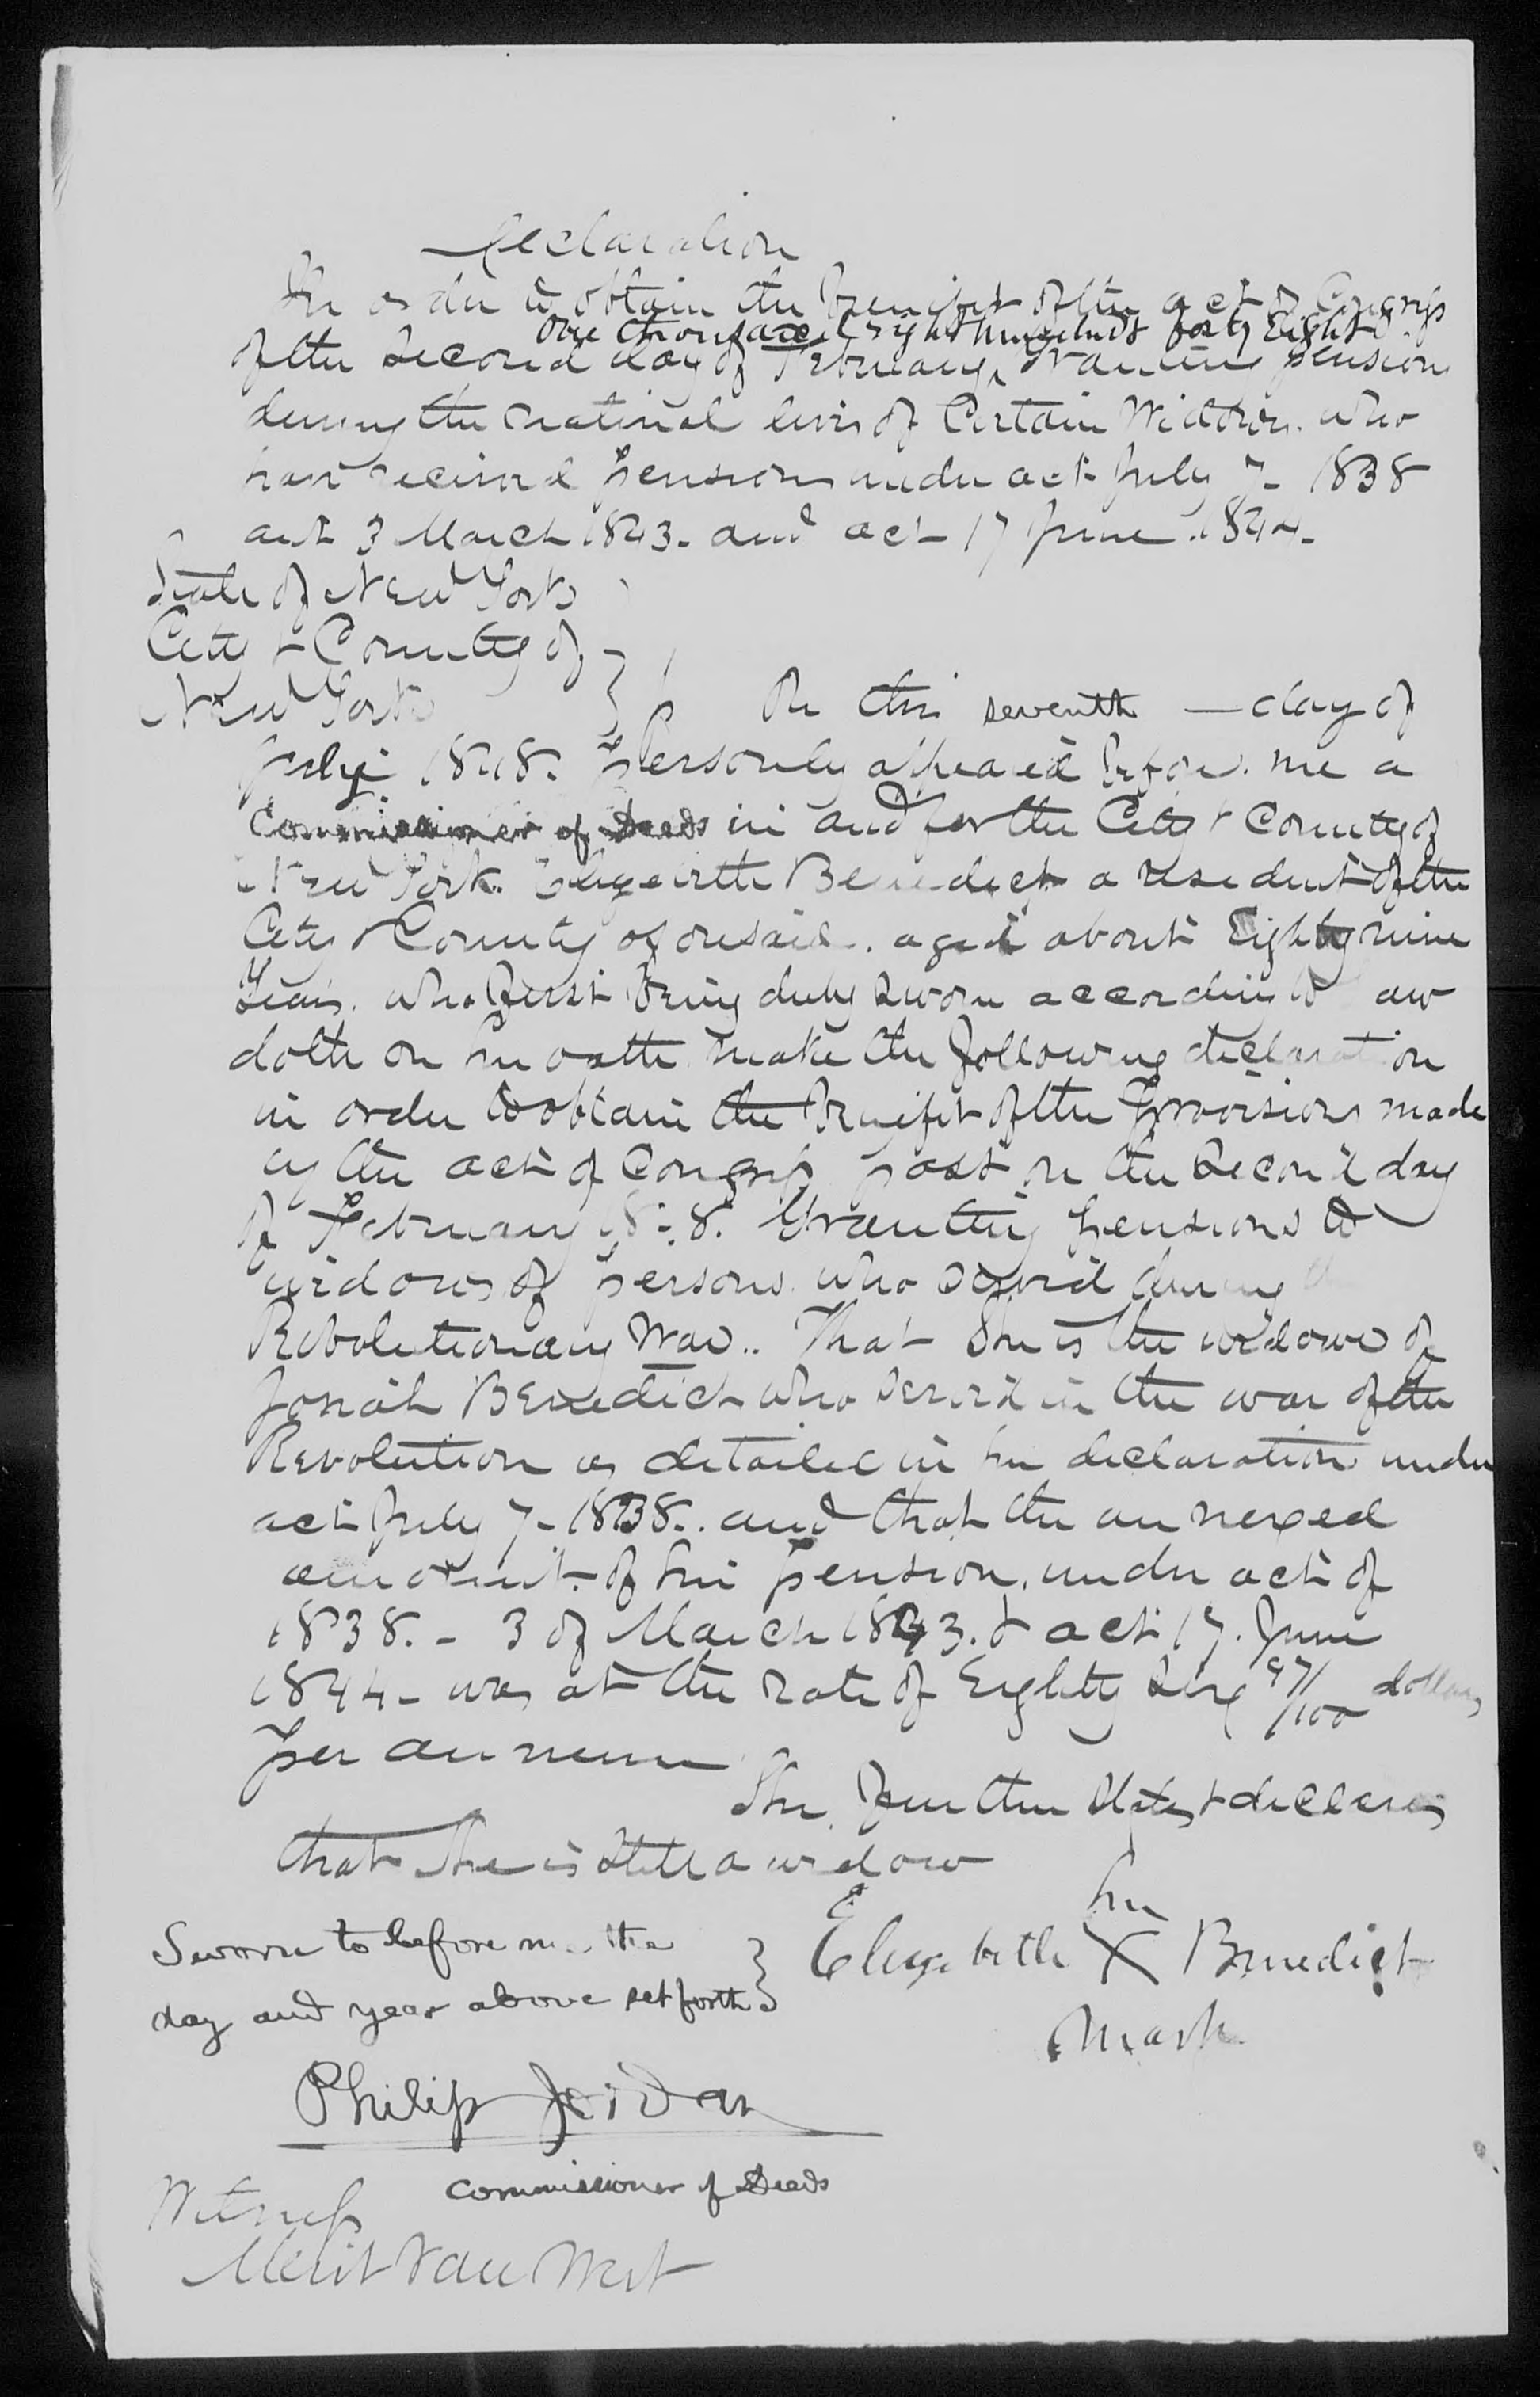Declaration
In order to obtain the period of the act of Congress
of the second day of February one thousand eight hundred & forty eight Granting  Pensions
during the ????? lives of Certain Widows, who
had received pensions under act July 7 1838
and 3 March 1843 and 17 June 1844
State of New York }
City & County of   }
New York              } Ss.         On this seventh day of
July 1848. Personally appeared before me a
Commissioner of Deeds in and for the City & County of
New York Elizabeth Benedict a resident of the
the County aforesaid, aged about Eighty nine
years, who first being duly sworn according to law
doth on an oath make the following declaration
in order to obtain the benefit of the provision made 
in the act of Congress past on the second day
of February 1848 granting pensions to
widows of persons who served army
Revolutionary War.  That she is the widow of
Josiah Benedict who served in the war of the
Revolution as detailed in his declaration under
act July 7 1838 and that the annexed
certificate of his pension, under act of
1838. 3 of March 1843, & act 7 June
1844 - was at the rate of Eighty six 97/100 dollars
per annum
         She further states & declares
that she is still a widow
Sworn to before me the                                 her
day and year above set forth           Elizabeth  X  Benedict
                                                                       Mark
Philip Jordan
Commissioner of Deeds
Witness 
Merit Van Wert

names: Elizabeth Benedict, Jonah Benedict, Philip Jordan, Merit Van Wert, Elizabeth Benedict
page: 43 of 56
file: [ILLEGIBLE], Jonah Benedict, Conn.